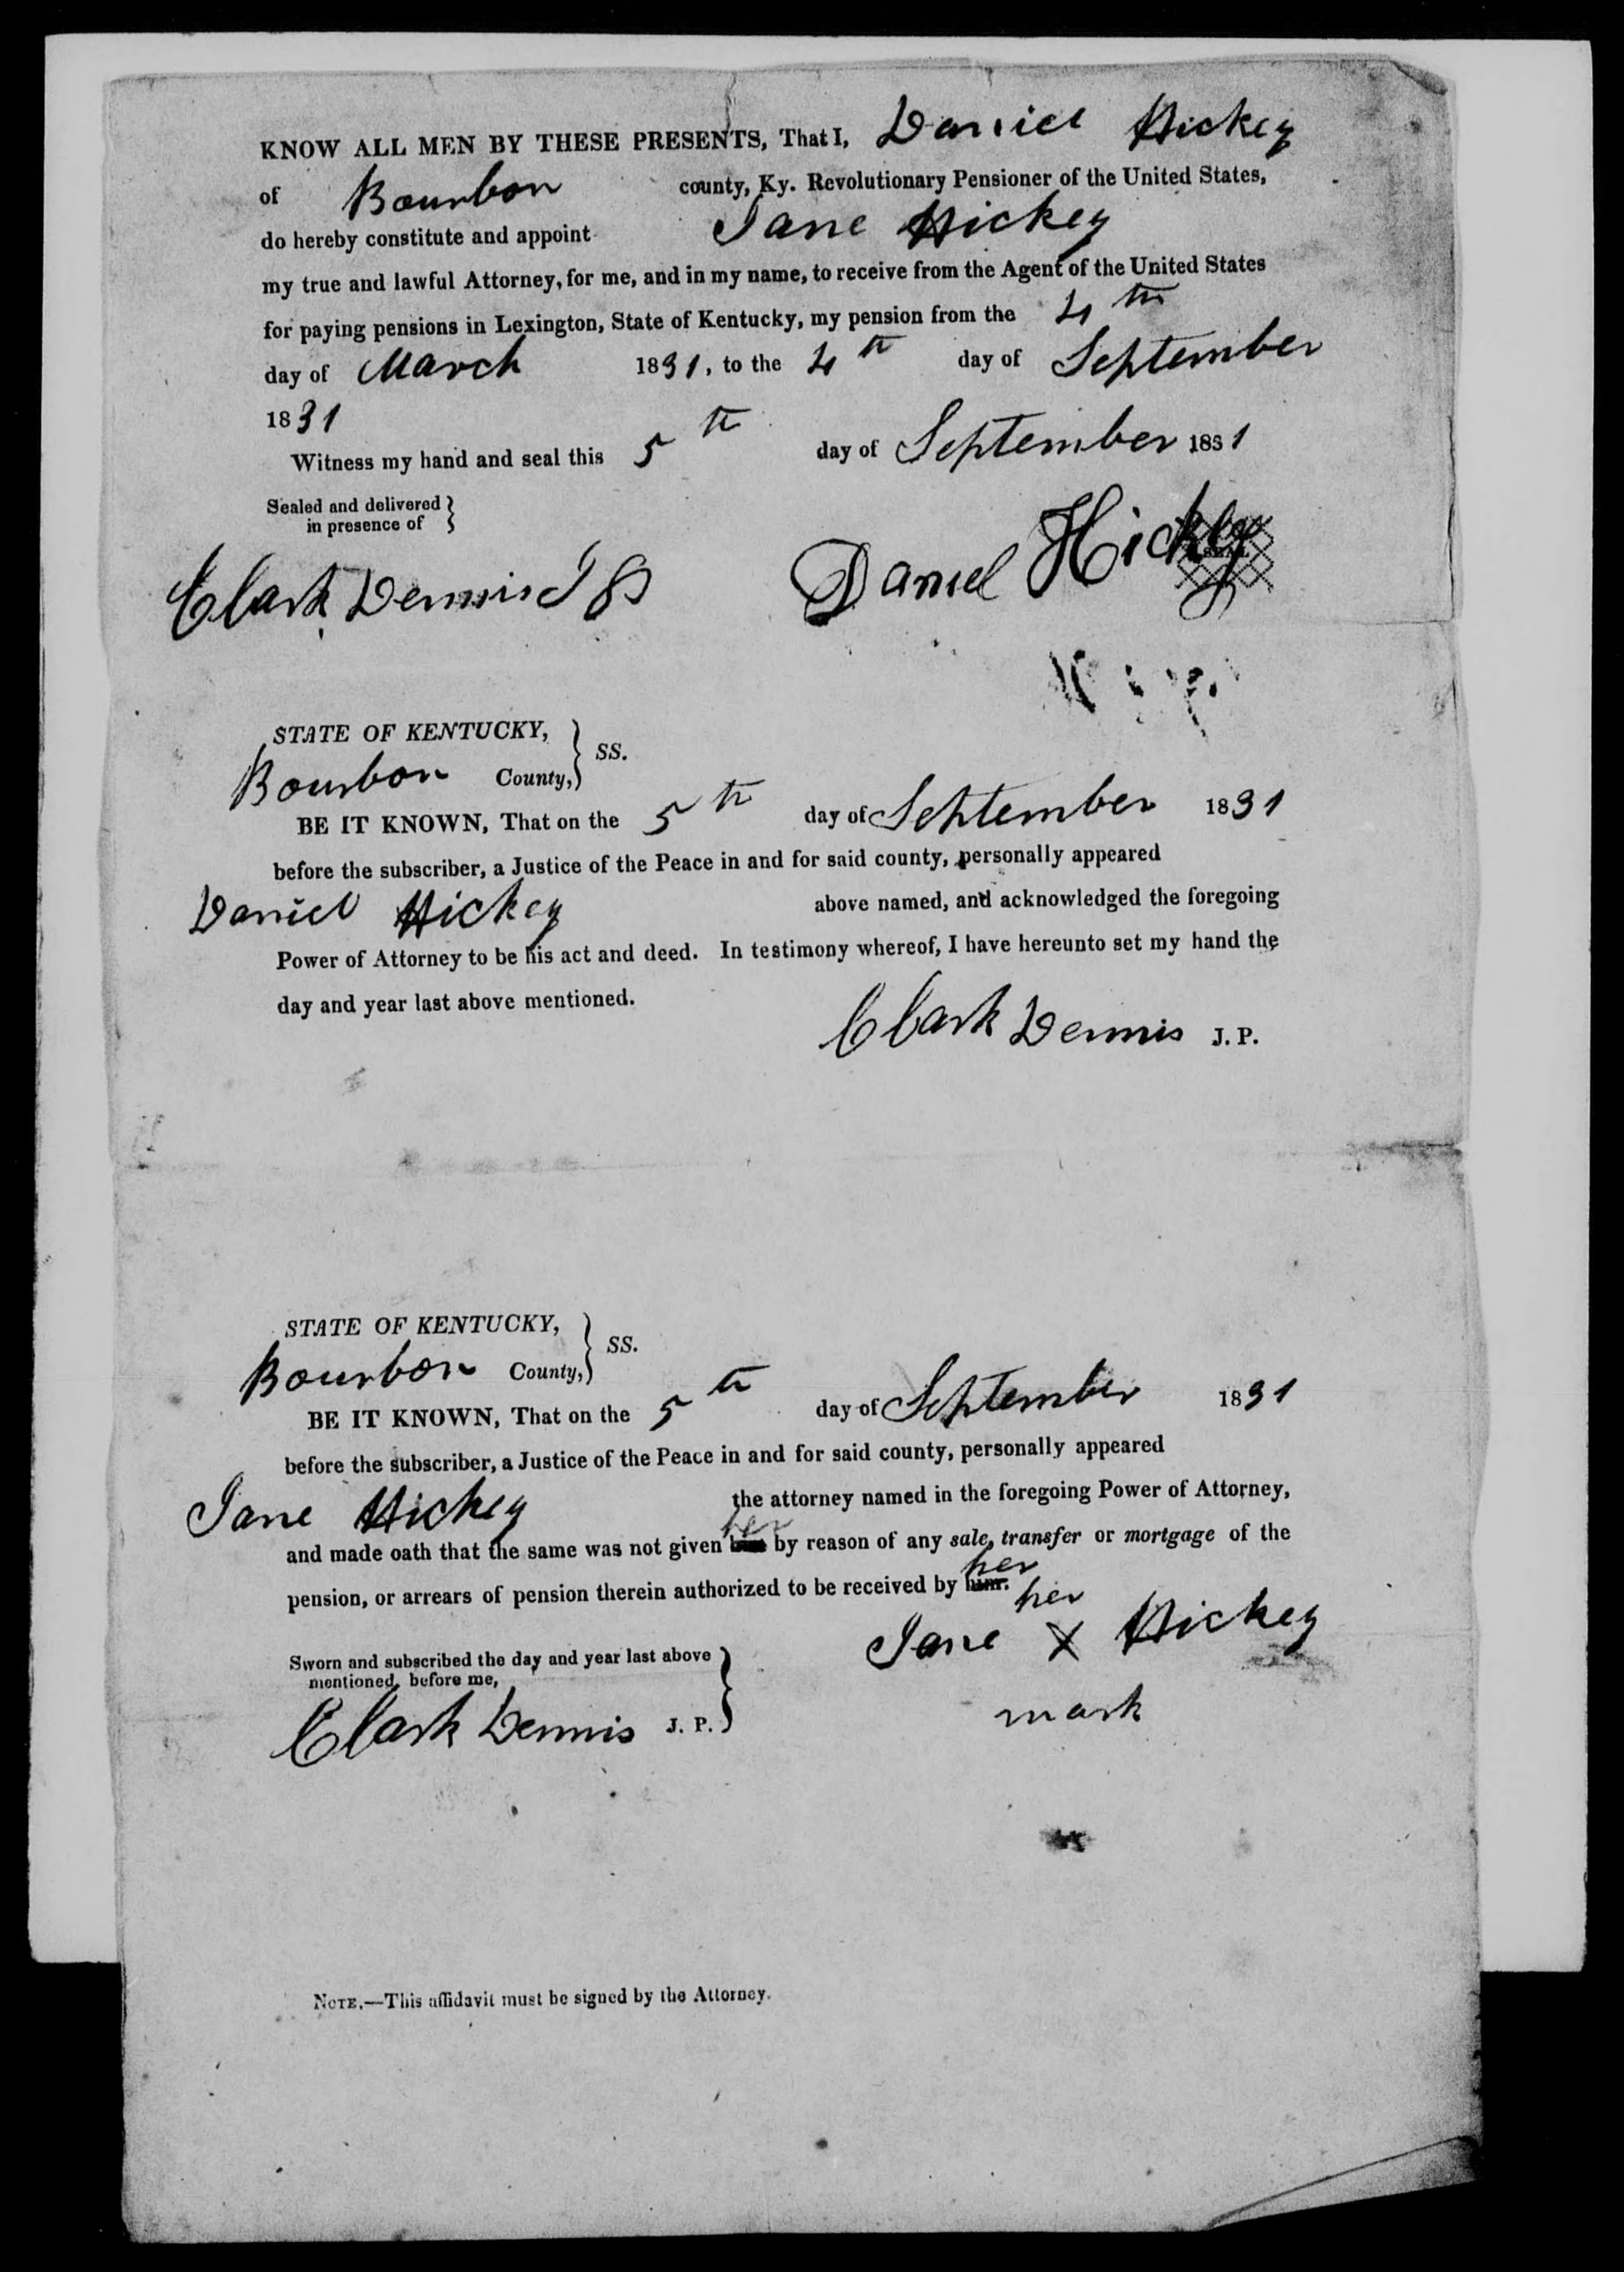KNOW ALL MEN BY THESE PRESENTS, That I, Daniel Hickey of Bourbon county, Ky. Revolutionary Pensioner of the United States,
do hereby constitute and appoint Jane Hickey
my true and lawful Attorney, for me, and in my name, to receive from the Agent of the United States for paying pensions in Lexington, State of Kentucky, my pension from the
the 4th day of March 1831, to the 4th day of September 1831
Witness my hand and seal this 5th day of September 1831

Sealed and delivered
in presence of Clark Dennis JP
Daniel Hickey Seal

STATE OF KENTUCKY,
Bourbon County, SS.
BE IT KNOWN, That on the 5th day of September 1831 before the subscriber, a Justice of the Peace in and for said county, personally appeared Daniel Hickey above named, and acknowledged the foregoing
Power of Attorney to be his act and deed. In testimony whereof, I have hereunto set my hand the day and year last above mentioned.
Clark Dennis J.P.

STATE OF KENTUCKY,
Bourbon County, S.
BE IT KNOWN, That on the 5th day of September 1831 before the subscriber, a Justice of the Peace in and for said county, personally appeared Jane Hickey the attorney named in the foregoing Power of Attorney,
and made oath that the same was not given her by reason of any sale, transfer or mortgage of the pension, or arrears of pension therein authorized to be received by her.
Sworn and subscribed the day and year last above mentioned before me, Clark Dennis J.P.
her
Jane X Hickey
mark
NOTE.—This affidavit must be signed by the Attorney.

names: Clark Dennis, Clark Dennis, Daniel Hickey, Jane Hickey, Jane Hickey, Jane Hickey, Daniel Hickey, Clark Dennis, Daniel Hickey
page: 57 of 84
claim: widow's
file: W. 7744, Daniel Hickey, Penn.